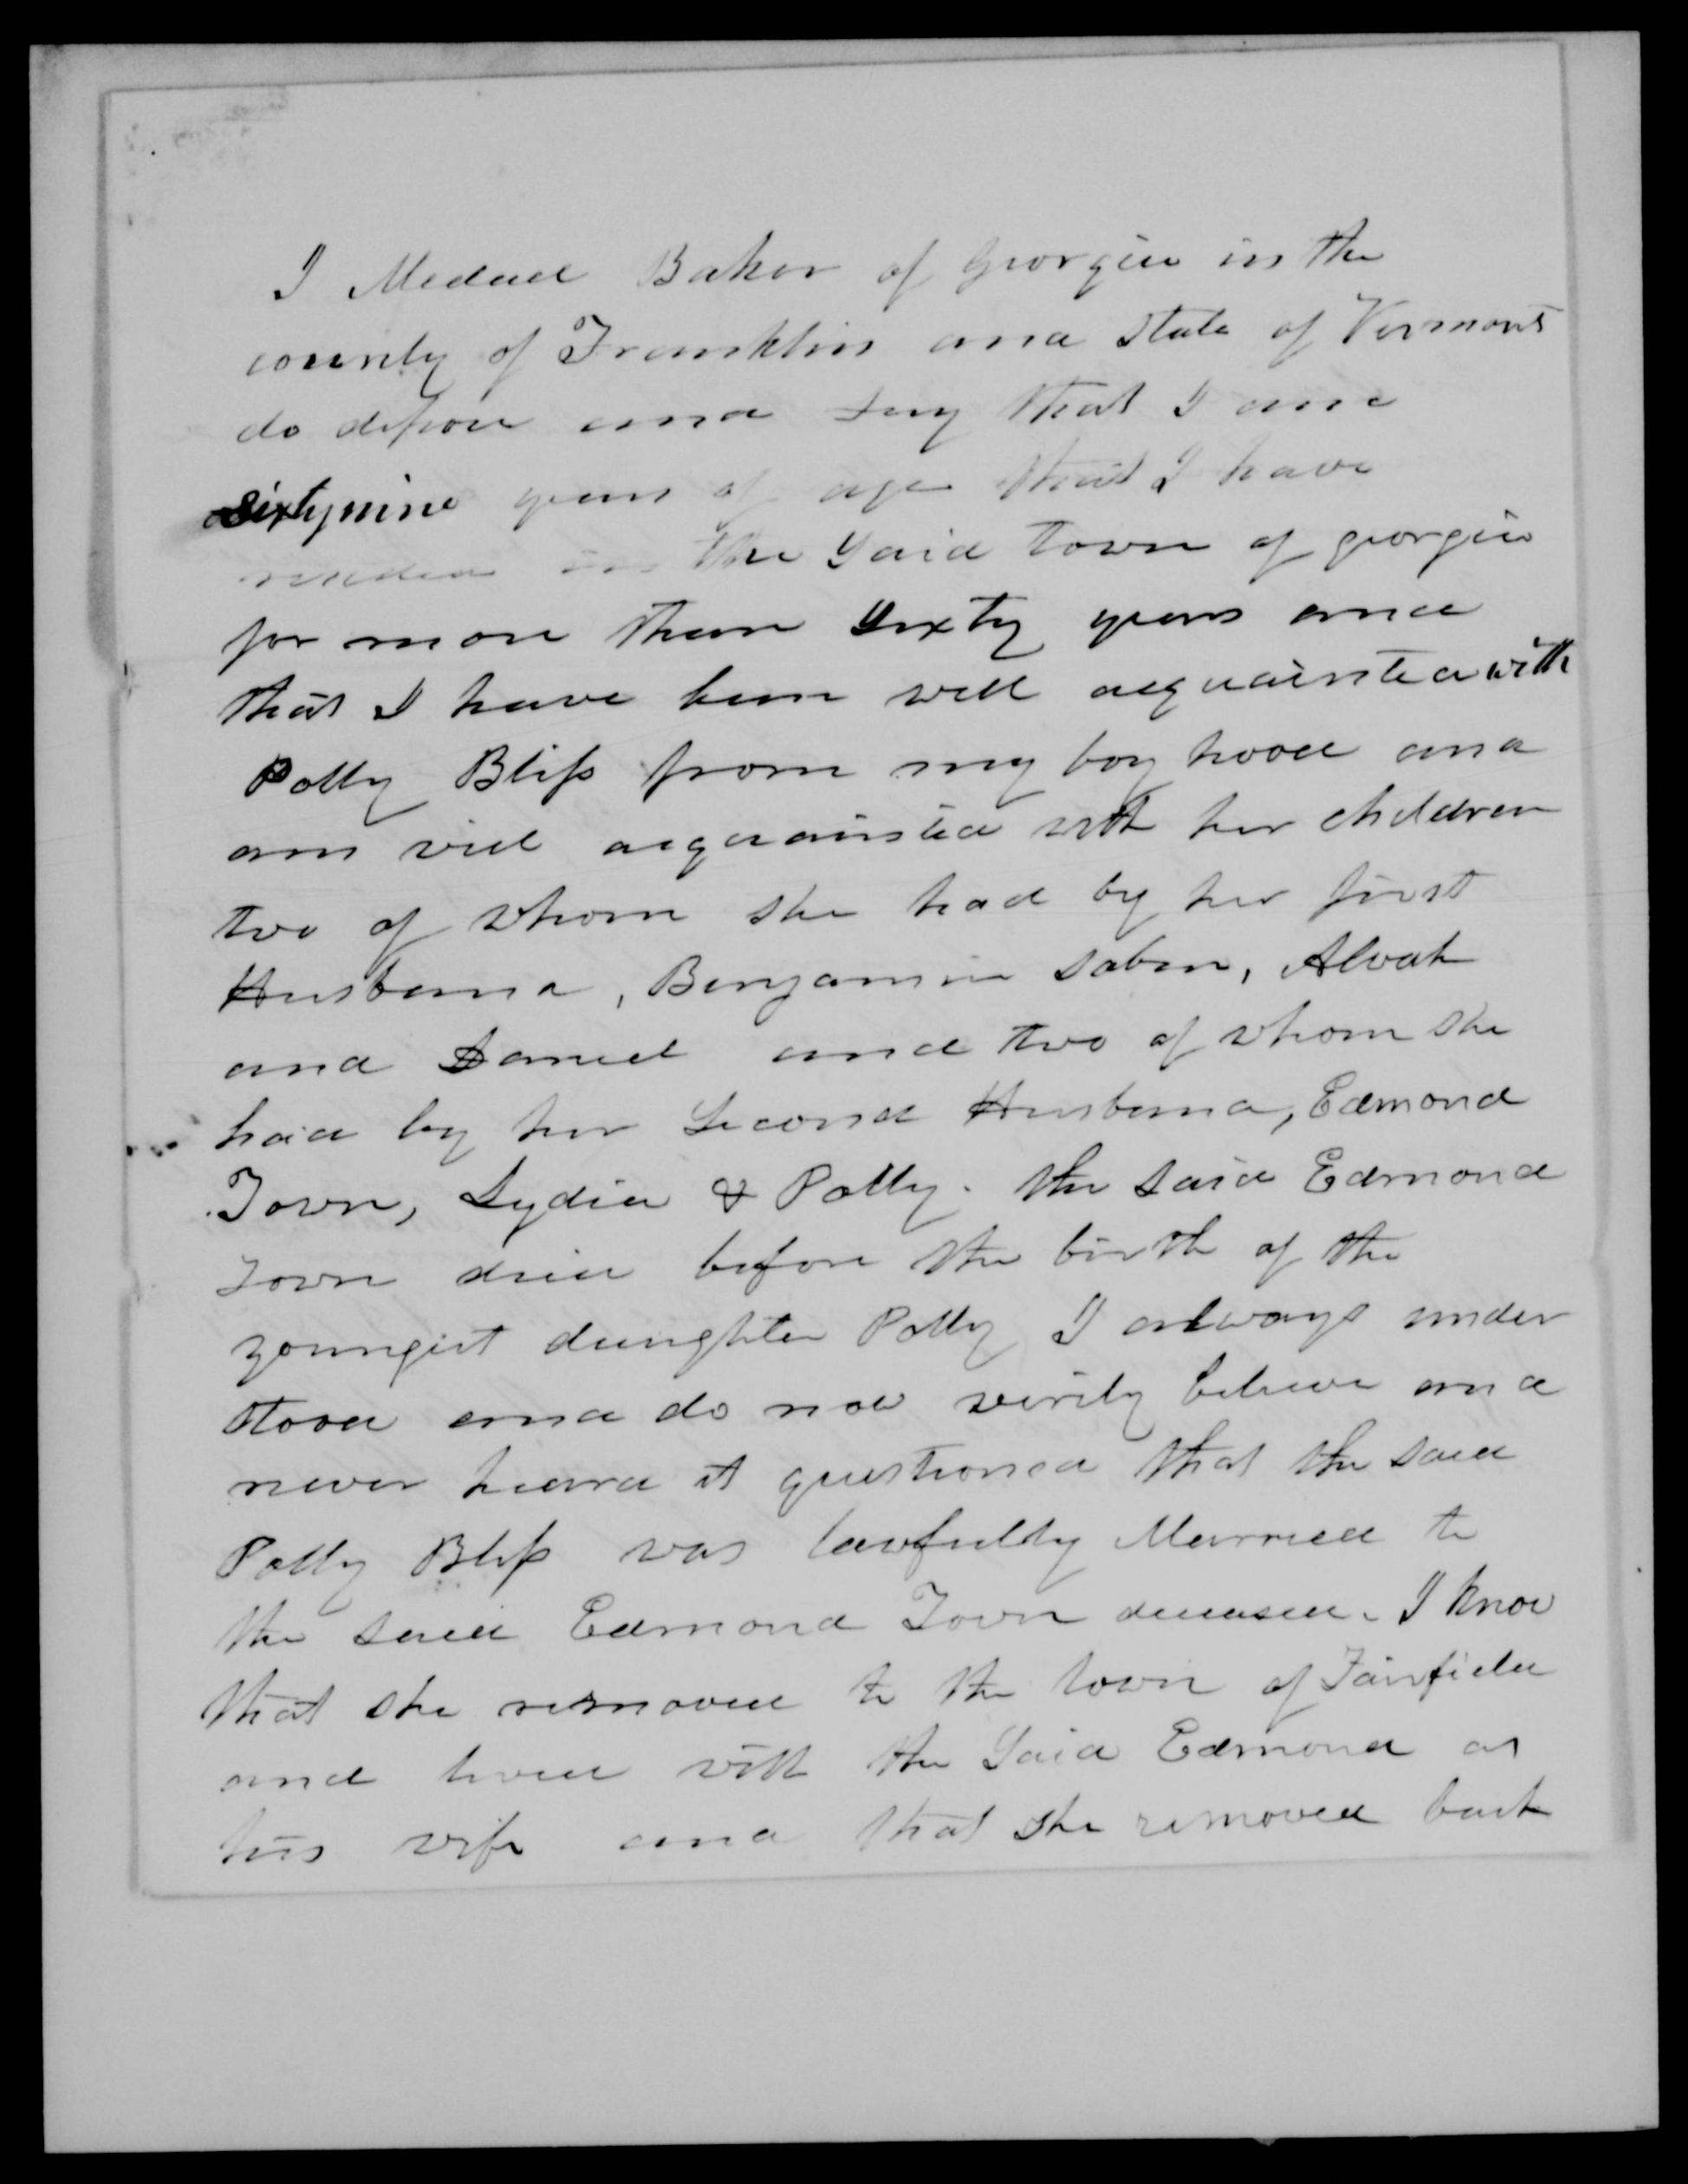I Medad Baker of Georgia in the county of Franklin and State of Vermont do depose and say that I am sixty nine years of age. That I have resided in the said town of Georgia for more than sixty years and that I have been well acquainted with Polly Bliss from my boy hood and am well acquainted with her children two of whom she had by her first Husband, Benjamin Sabin, Alvah and Daniel and two of whom she had by her second Husband, Edmond Town, Lydia & Polly. I always understood and do now verily believe and never heard at questioned that the said Polly Bliss was lawfully Married to the said Edmond Town deceased. I know that she removed to the town of Fairfield and lived with the said Edmond as his wife and that she removed back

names: Medad Baker, Alvah, Edmond Town, Daniel, Edmond, Edmond Town, Polly Bliss, Edmond Town, Benjamin Sabin, Lydia, Polly, Polly, Polly Bliss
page: 45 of 64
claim: widow's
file: W. 5831, Edmund Town, Mass.